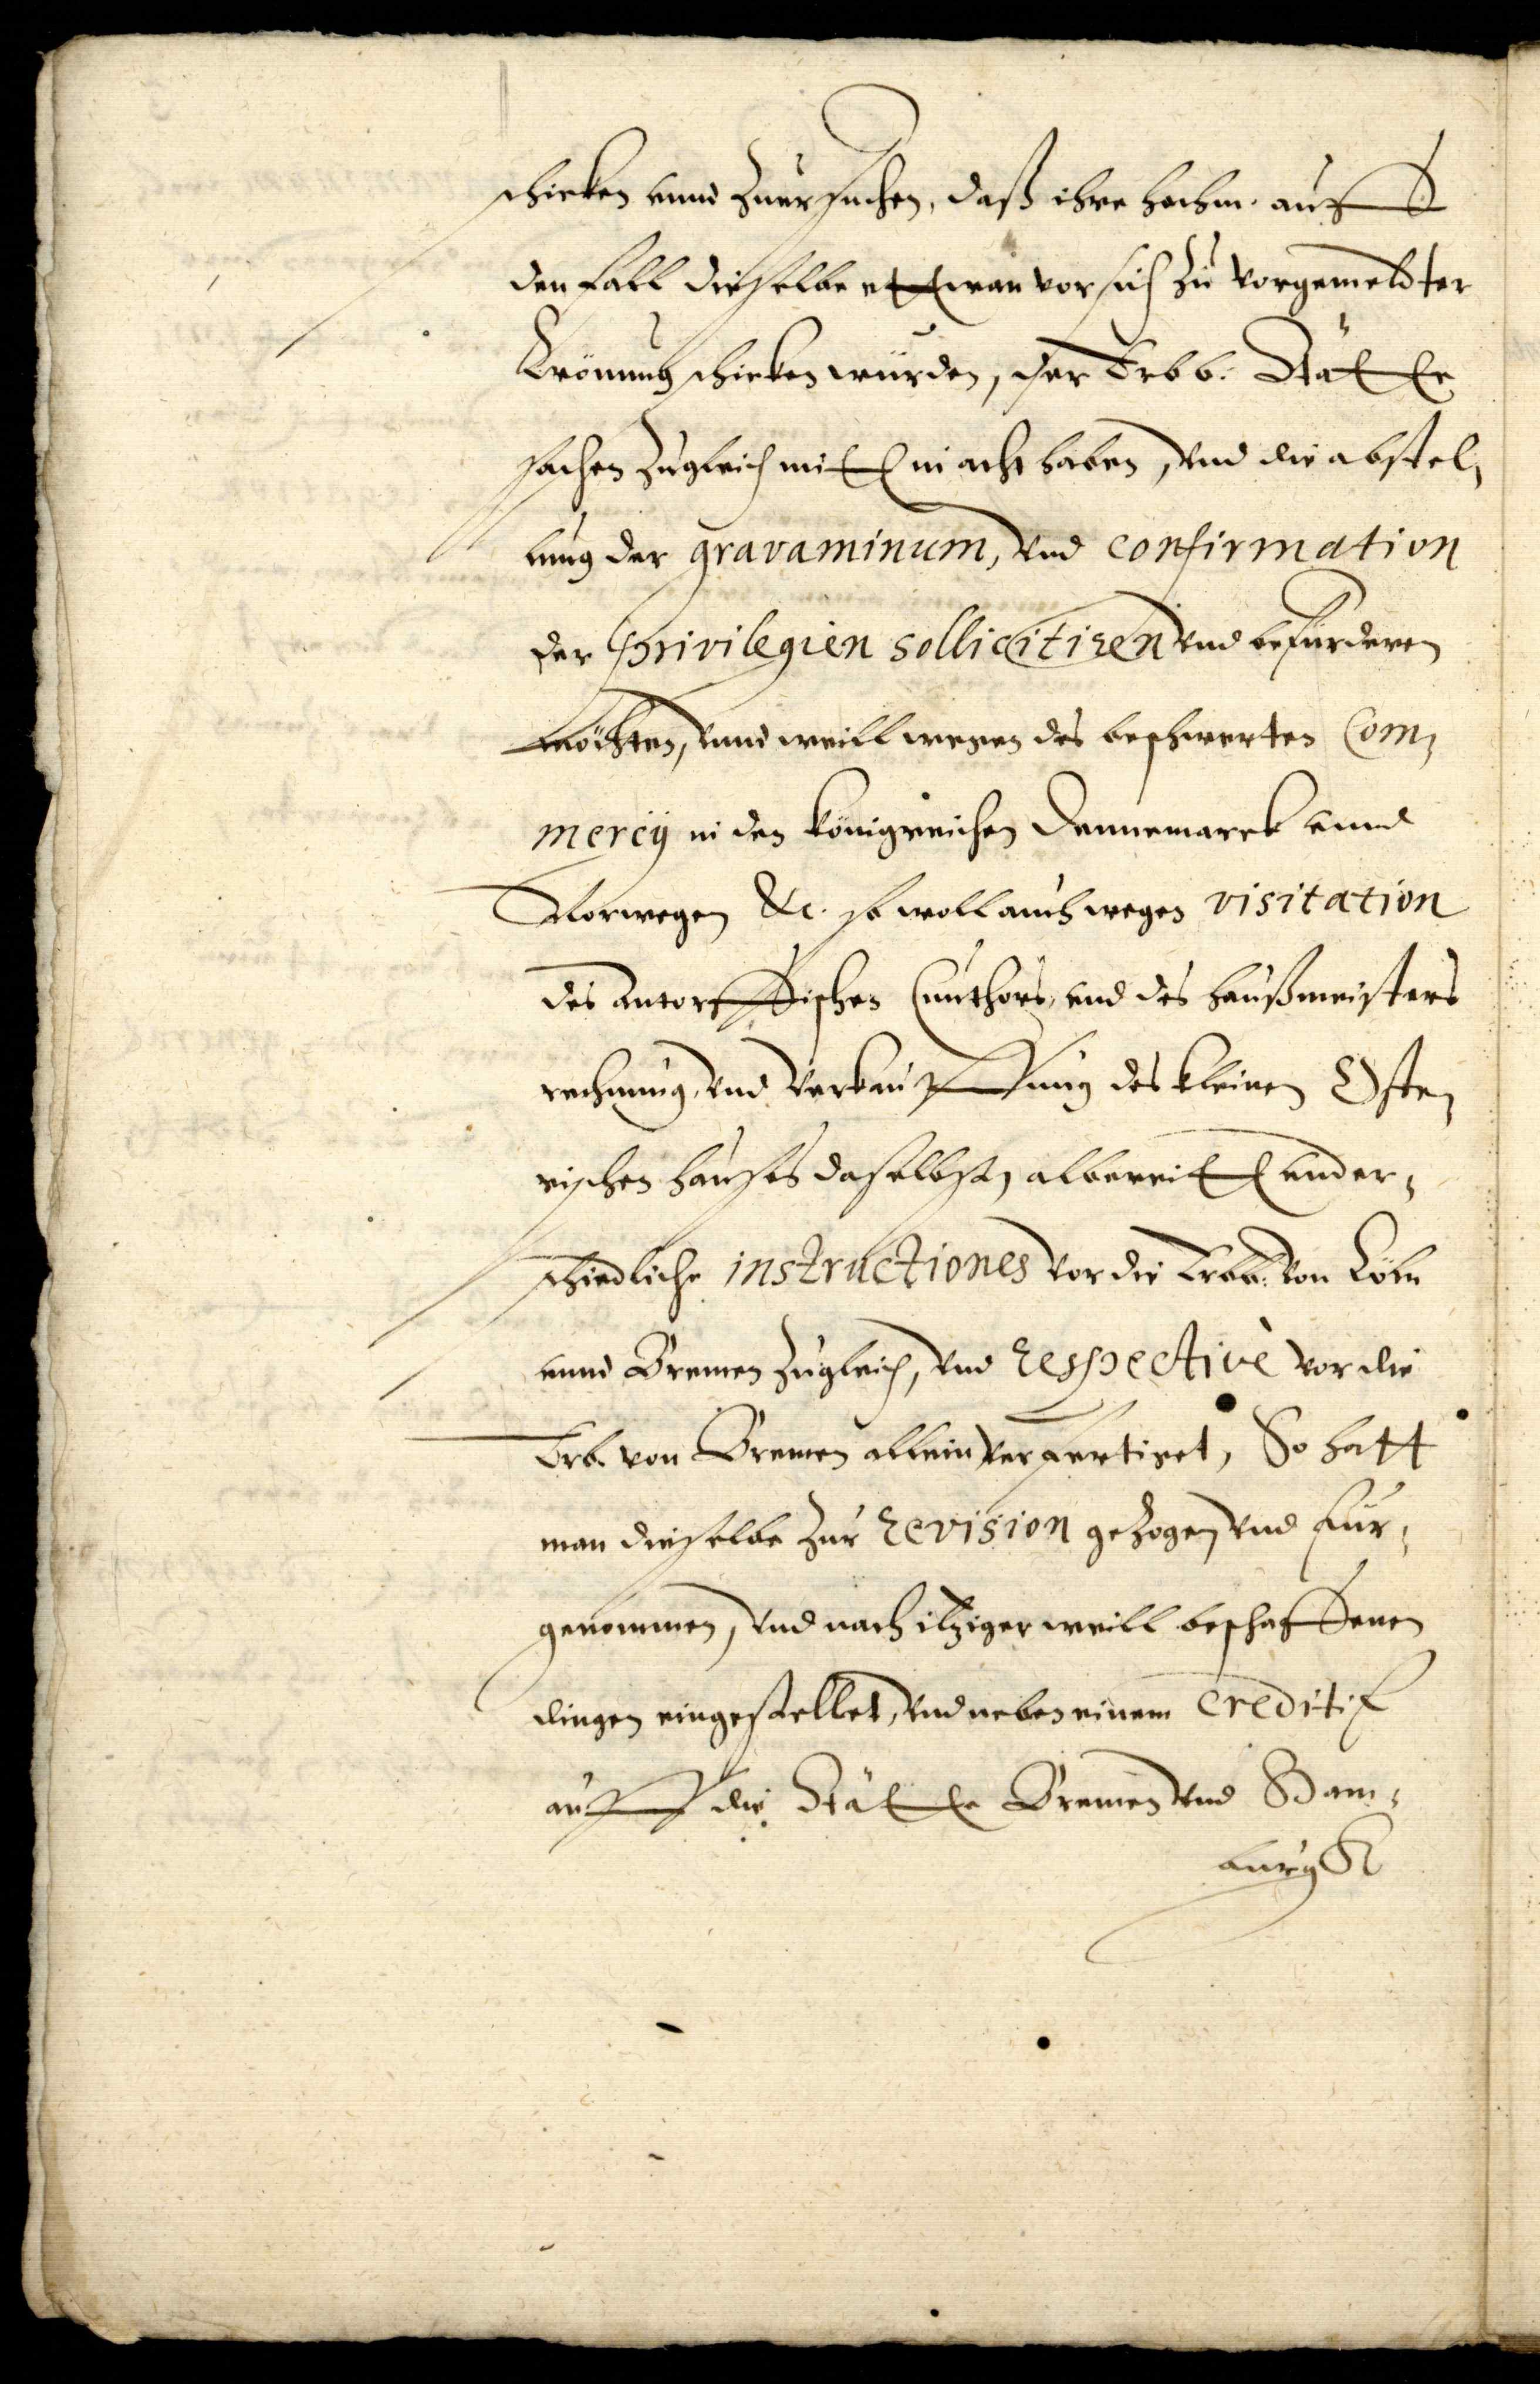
schicken vnnd zuersuchen, daß ihre hochm. auff
den fall dieselbe ettwan vor sich zu vorgemeldter
Crönung schicken würden, der Erbb. Stätte
sachen zugleich mitt in acht haben, vnd die abstel¬
lung der gravaminum, vnd confirmation
der privilegien sollicitiren vnd befürderen
möchten vnnd weill wegen des beschwerten com¬
mercij in den königreichen dennemarck vnnd
Norwegen &c. so woll auch wegen visitation
des antorffischen Cunthors, vnd des haußmeisters
rechnnung vnd verkauffung des kleinen Oste¬
rischen hauses dasselbst, albereitt vnder¬
schiedliche instructiones vor die Erbb: von Cöln
vnnd Bremen zugleich, vnd respective vor die
Erb. von Bremen allein verfertiget, So hatt
man dieselbe zur revision gezogen vnd für¬
genommen, vnd nach itziger weill beschaffenen
dingen eingestellet, vnd neben einem creditif
auff die Stätte Bremen vnd Ham¬
burgk
